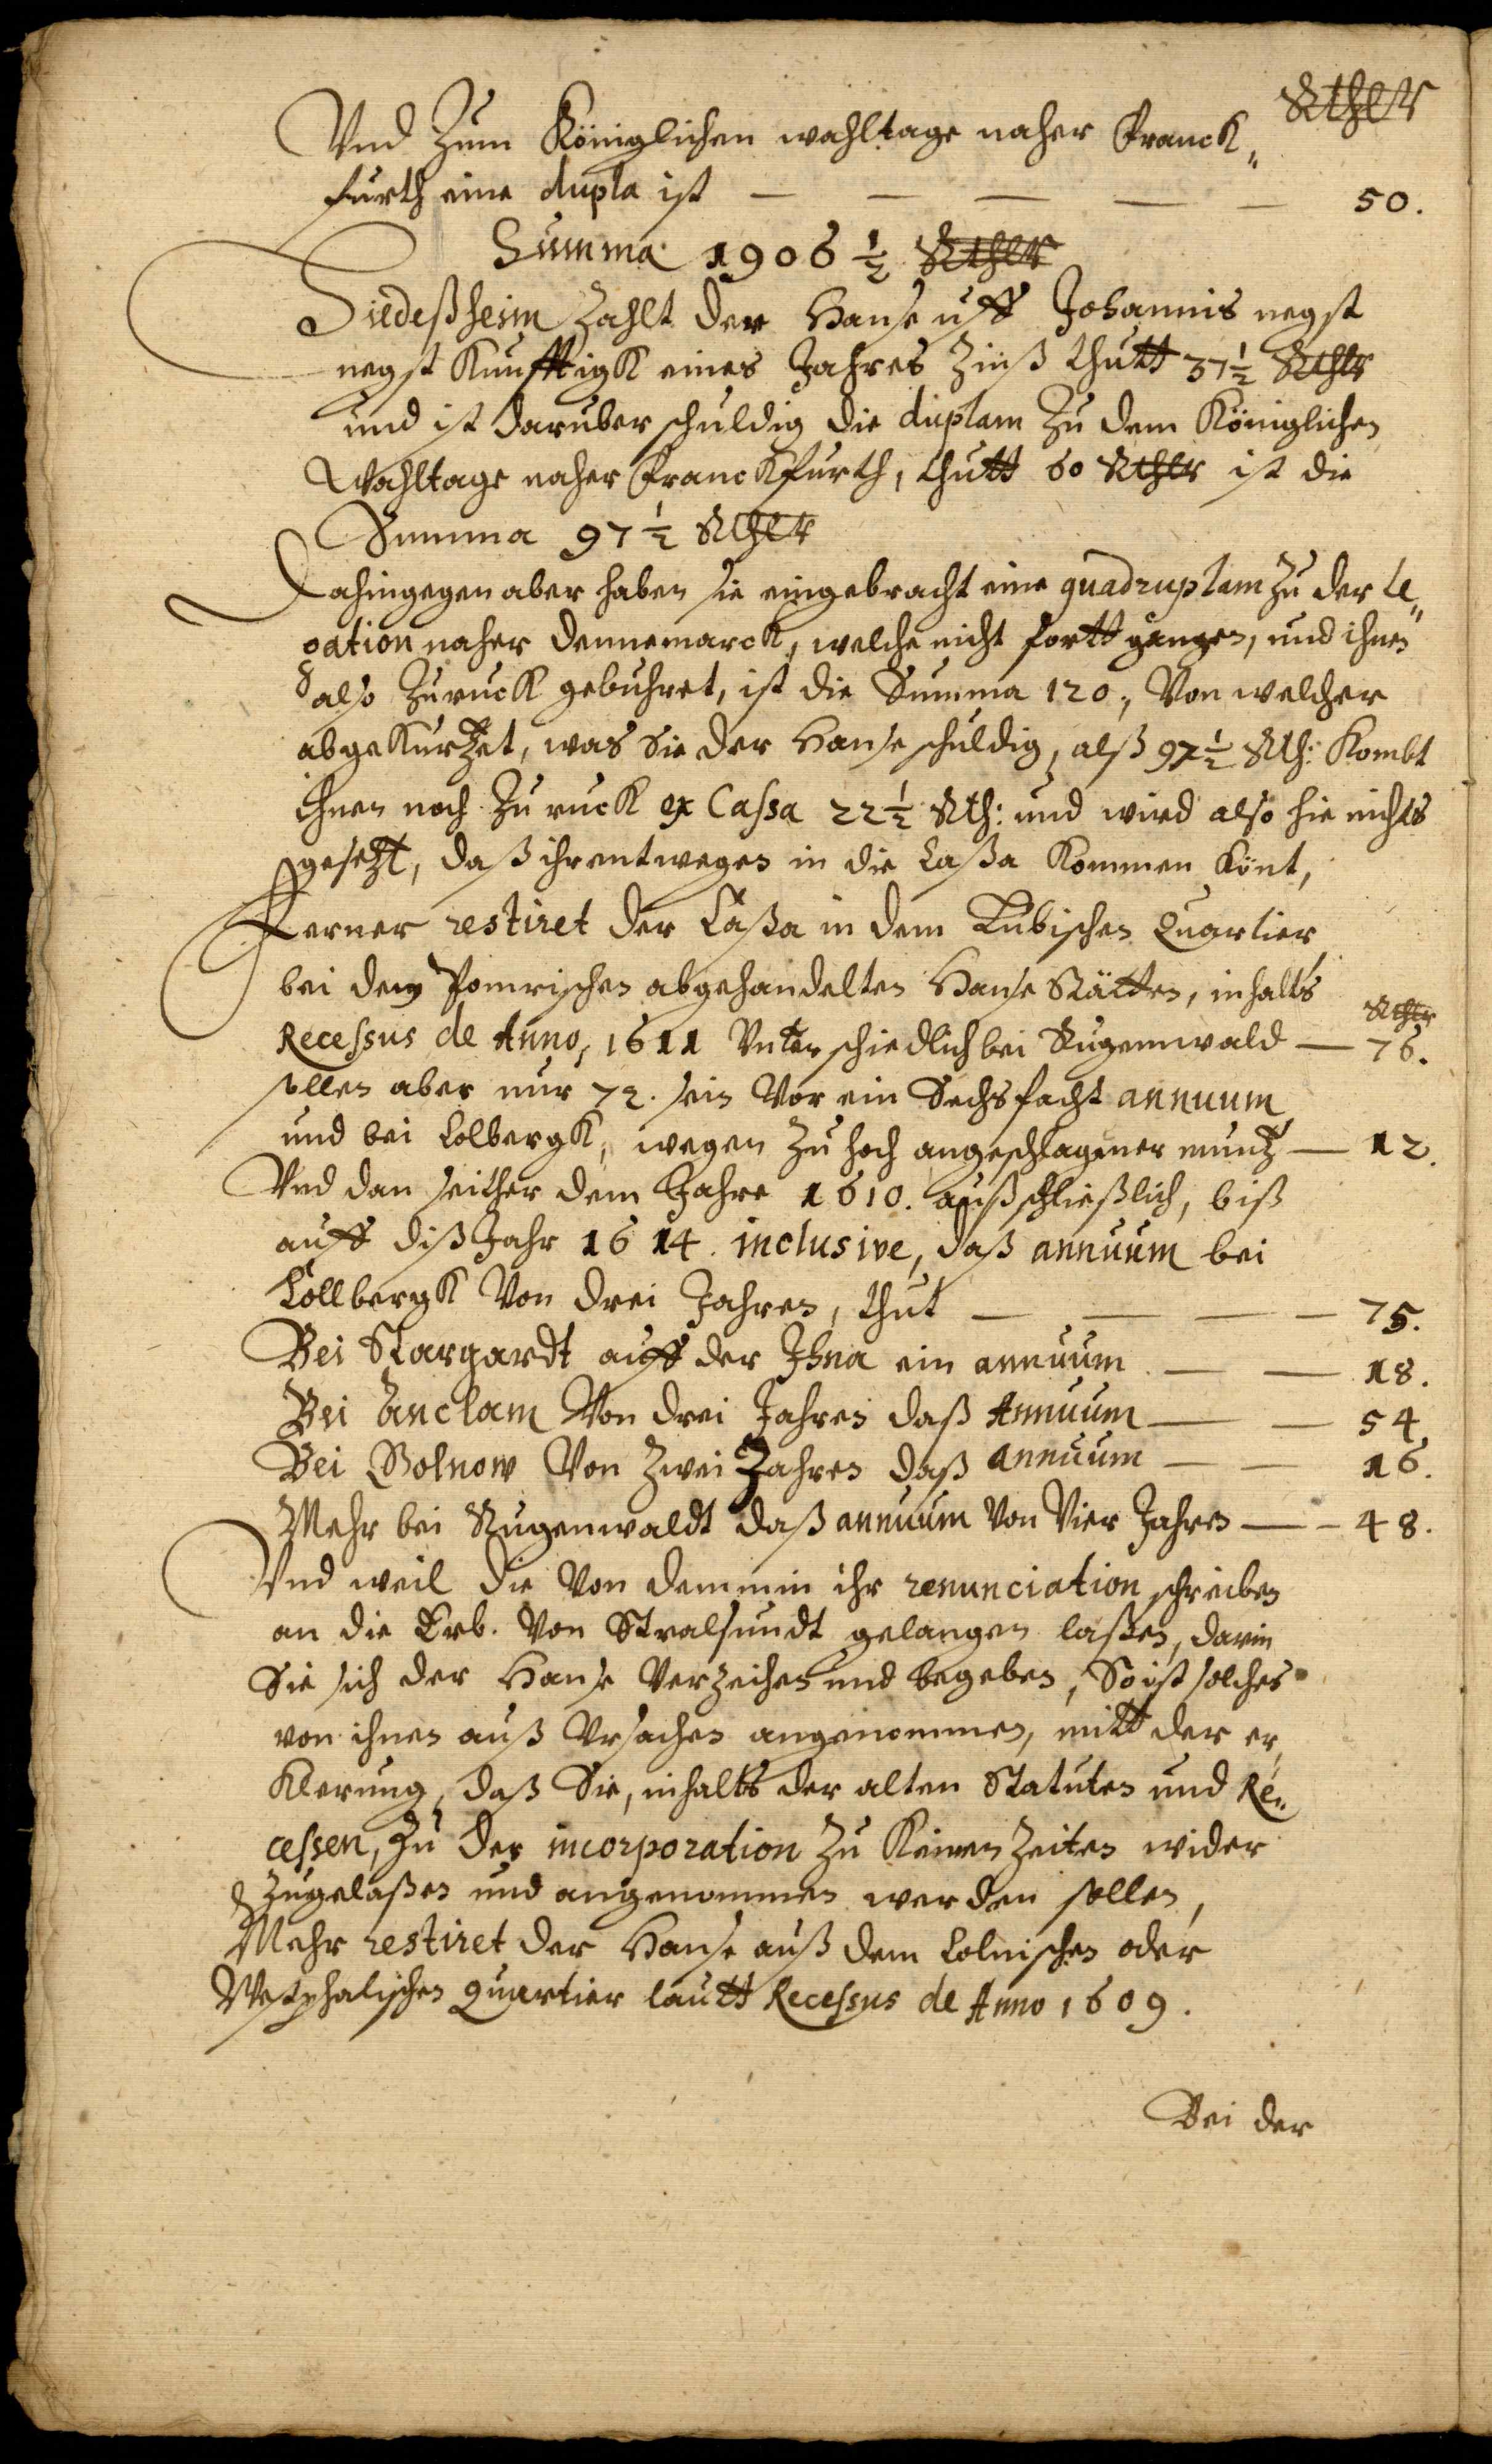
Rthlr
Vnd Zum Königlichen wahltage naher Franck¬
furth eine dupla ist - - - - - 50.
Summa 1906½ Rthlr
Hildeßheim Zahlt der Hanse uff Johannis negst
negst kunfftigk eines Jahres Zinß thutt 37½ Rthlr
und ist daruber schuldig die duplam Zu dem Königlichen
Wahltage naher Franckfurth, thutt 60 Rthlr ist die
Summa 97½ Rthlr
Dahingegen aber haben sie eingebracht eine quadruplam zu der le¬
gation naher Dennemarck, welche nicht fortt gangen, und ihnen
also Zuruck gebuhret, ist die Summa 120, Von welcher
abgekurzet, was Sie der Hanse schuldig, alß 97½ Rth: Kombt
ihnen noch zu ruck ex Cassa 22½ Rth: und wird also hie nichts
gesezt, daß ihrentwegen in die Caßa kommen könt,
Ferner restiret der Caßa in dem Lubischen Quartier,
bei denn Pomrischen abgehandelten Hanse Stätten, inhalts
Rthlr
Recessus de Anno p 1611 Vnterschiedlich bei Rugemwald - 76.
sollen aber nur 72. sein vor ein Sechsfacht annuum,
und bei Colbergk, wegen zu hoch angeschlagener muntz - 12
Vnd dan seither dem Jahre 1610. außschließlich, biß
auff diß Jahr 1614 inclusive, daß annuum bei
Collbergk von drei Jahren, thut - - - - 75.
Bei Stargardt auff der Jhna ein annuum. - - 18.
Bei Anclam Von drei Jahren daß Annuum - - 54.
Bei Golnow Von zwei Jahren daß annuum - - 16.
Mehr bei Rugenwaldt daß annuum Von Vier Jahren - - 48.
Vnd weil die von Demmin ihr renunciation schreiben
an die Erb. Von Stralsundt gelangen laßen, darin
Sie sich der Hanse verzeihen und begeben, So ist solches
von ihnen auß vrsachen angenommen, mitt der er¬
klerung, daß Sie, inhalts der alten Statuten und Re¬
cessen, zu der incorporation zu keinen zeiten wider
zugelaßen und angenommen werden sollen,
Mehr restiret der Hanse auß dem Colnischen oder
Westphalischen quartier lautt Recessus de Anno 1609.
Bei der
